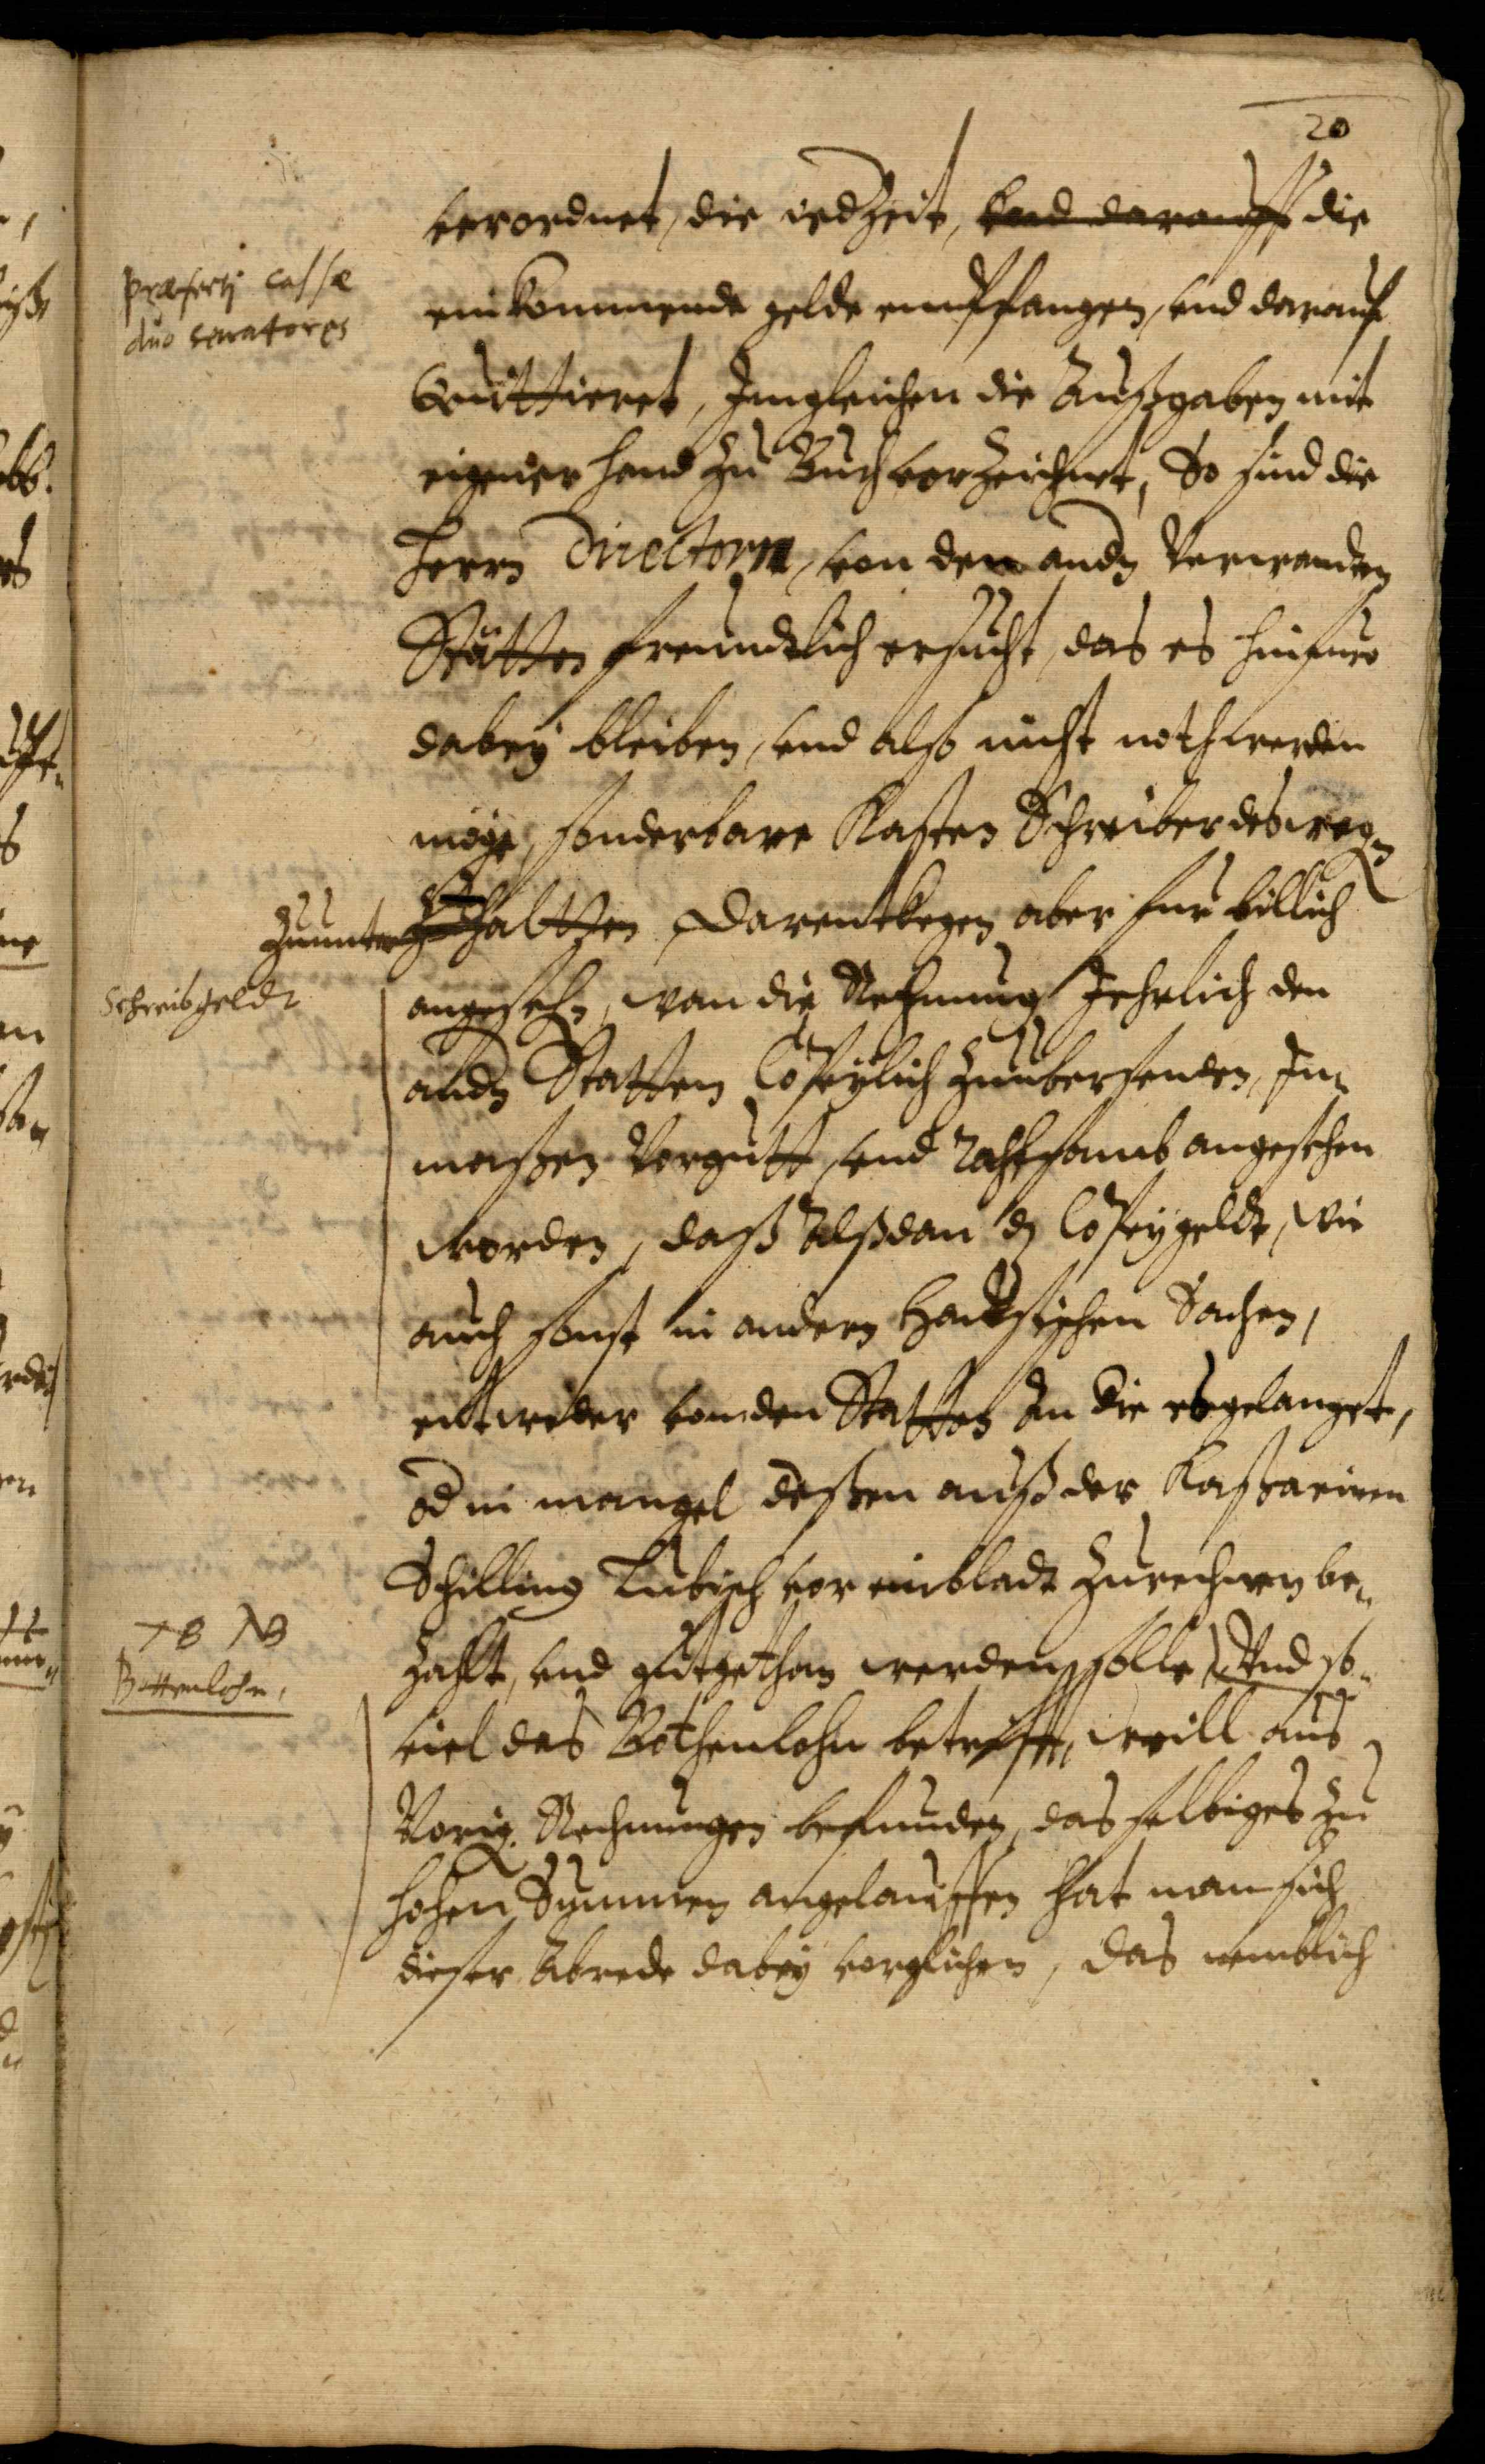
20
praefecti cassse
duo senatores
verordnet, die iederzeit, vnd darauff die
einkommende gelde empfangen, vnd darauf
Quittieret, Imgleichen die außgaben mit
eigener hand zu Buch vorzeichnet, so sind die
herrn directorn, von den andern verwandten
Stätten freundlich ersucht, das es hinfuro
dabeij bleiben, vnd alß nicht noth werden
möge, sonderbare Kasten Schreiber deswegen
zuunterzuhaltten, darentkegen aber fur billich
angesehen, wan die Rechnung Jehrlich den
andern Statten Copeijlich zuubersenden, In¬
maßen vorgutt, vnd rahtsamb angesehen
worden, daß alßdan das Copeijgeldt, wie
auch sonst in andern Hansischen Sachen,
entweder von den Statten An die es gelanget,
oder in mangel deßen auß der Kaßa einen
schilling Lubisch vor einbladt zurechnen be¬
zahlt, vnd gutgethan werden solle, Vnd so¬
viel das Bothenlohn betrifft, weill aus
vorigen Rechnungen befunden, das selbiges zu
hohen Summen angelauffen hat man sich
dieser abrede dabeij vorglichen, das nemblich
schreibgeldt
NB NB
Bottenlohn
